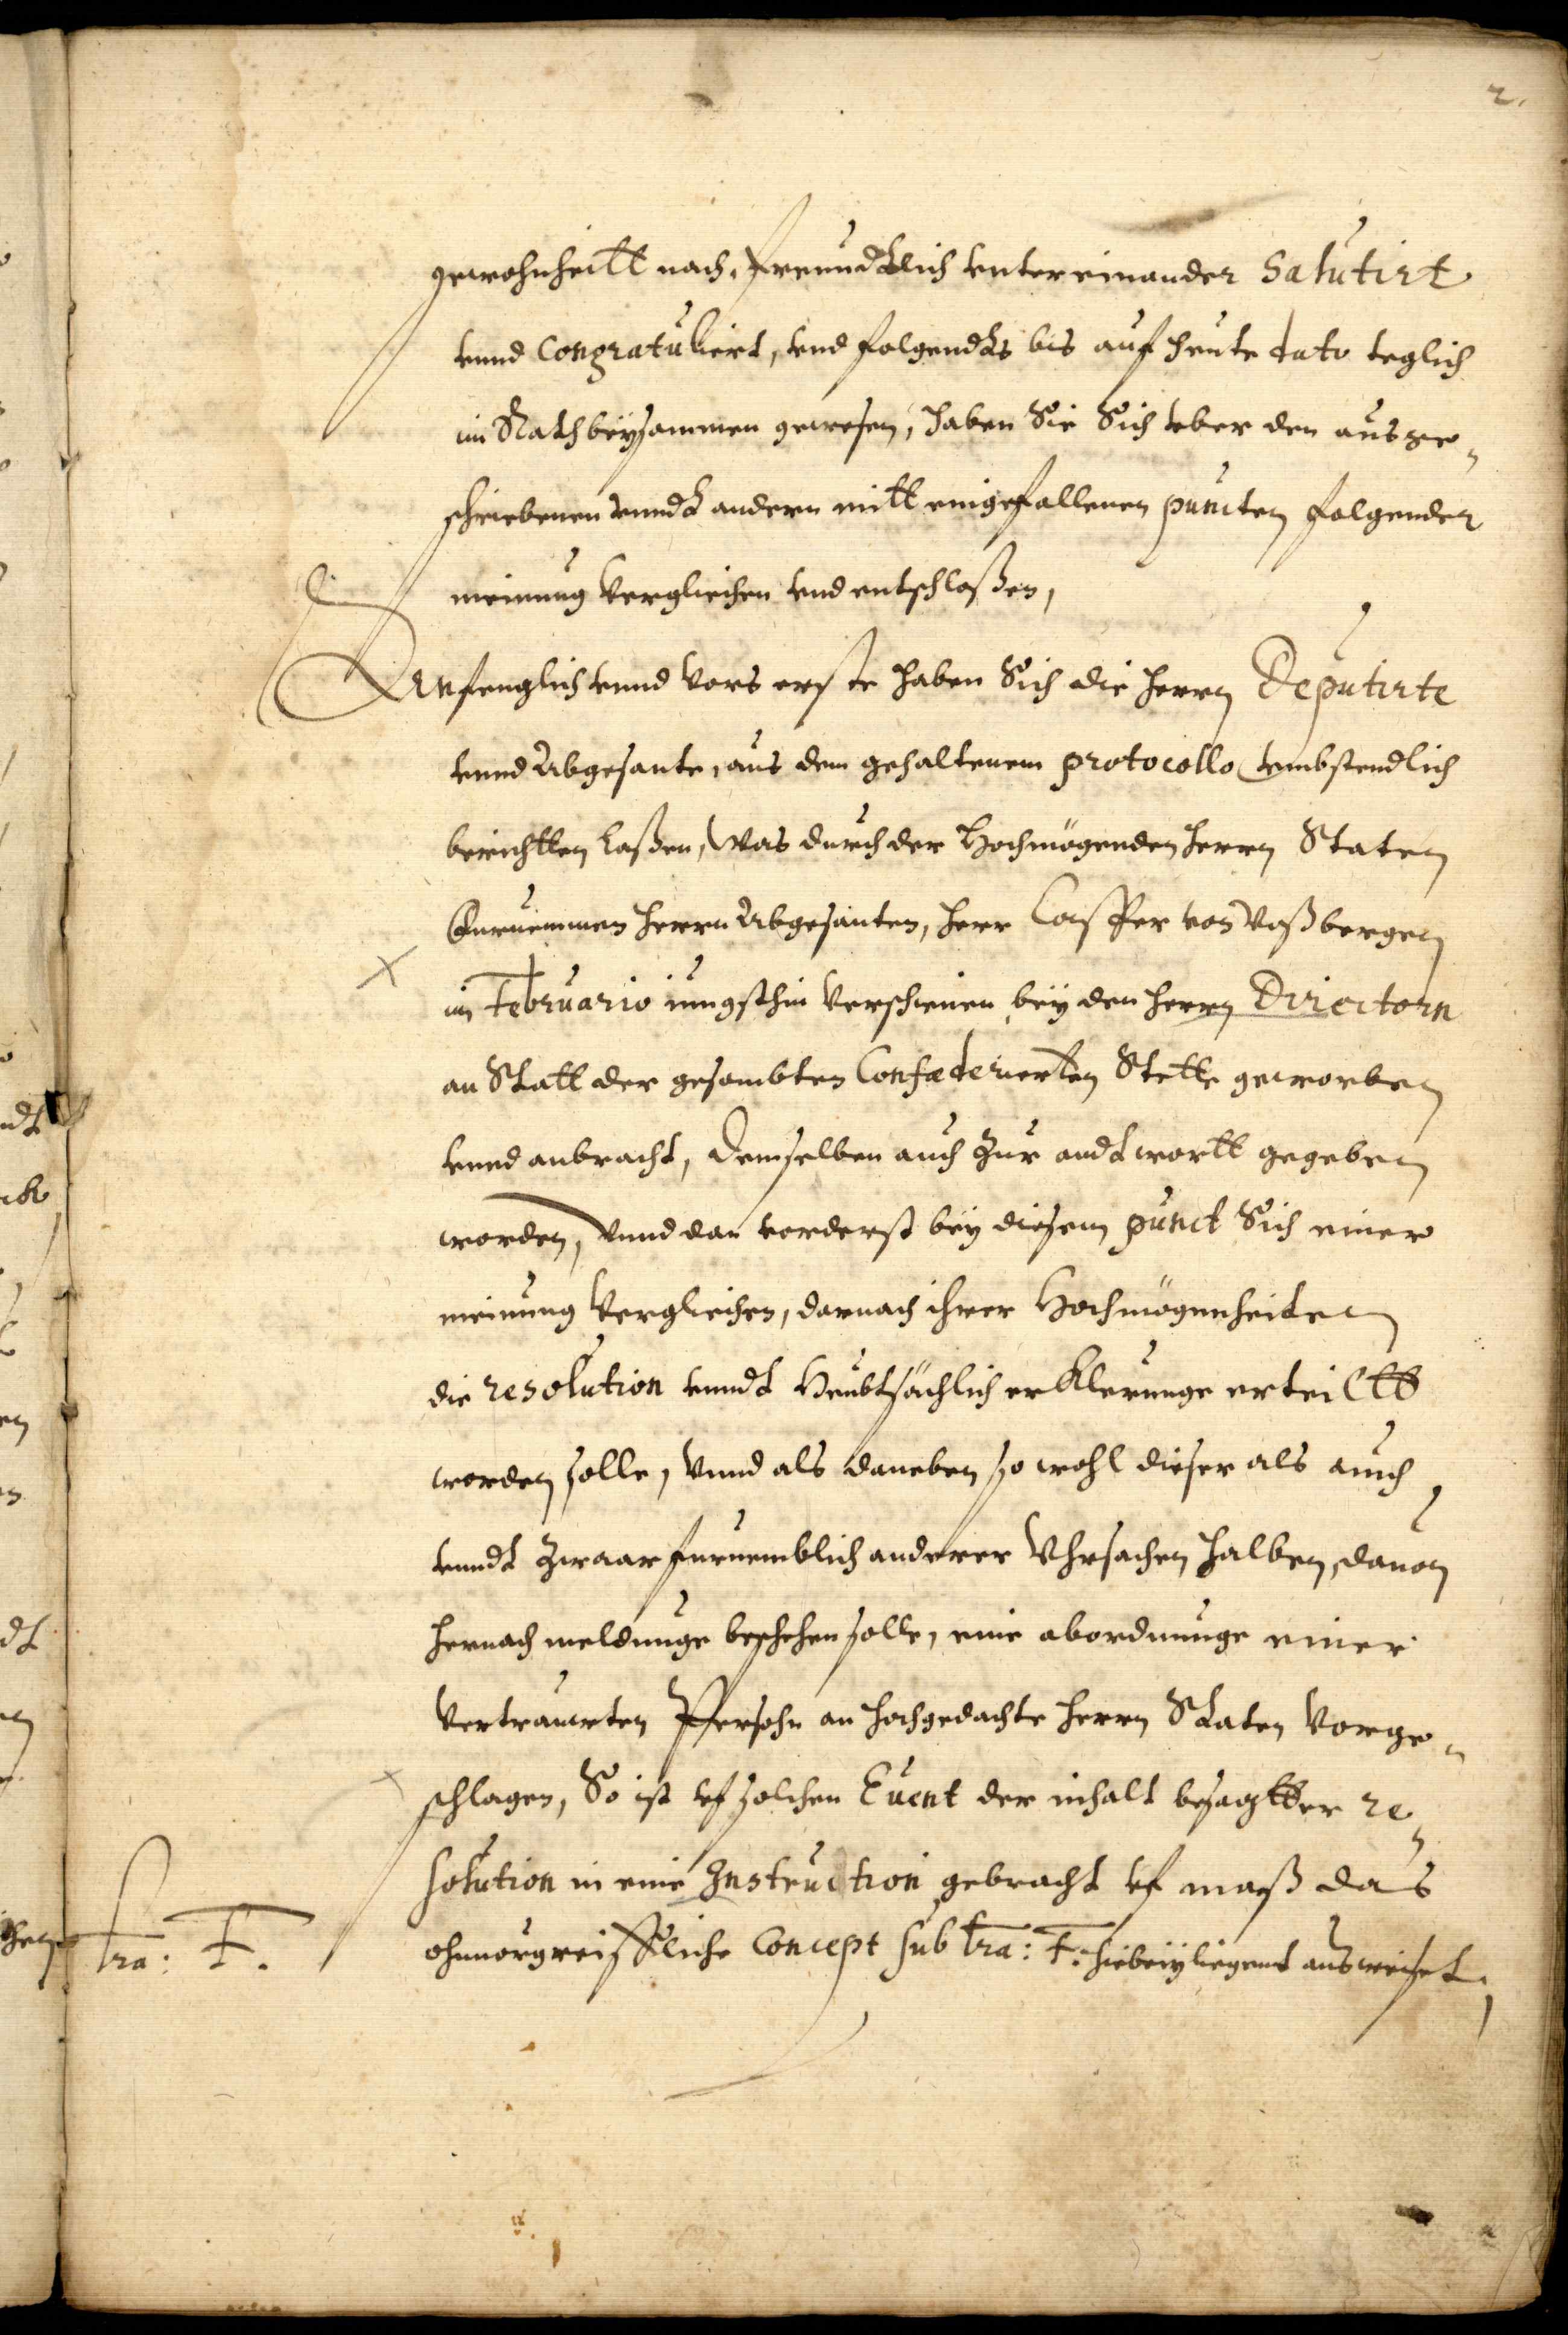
gewohnheitt nach Freundtlich vntereinander Salutirt
vnnd congratuliert, vnd folgendts bis auf heute dato teglich
im Rath beijsammen gewesen, haben Sie Sich vber den ausge¬
schriebenen vnndt andern mitt eingefallenen puncten folgender
meinung Vergliechen vnd entschloßen,
Tra: F.
Anfenglich vnnd Vors erste haben Sich die herrn Deputirte
vnnd Abgesante, aus dem gehaltenem protocollo vmbstendlich
berichtten laßen, Was durch der Hochmögenden herrn Staten
Furnemmen herrn Abgesanten, herr Casper von Voßbergen
im Februario iungsthin Verschienen beij den herrn Directorn
an Statt der gesambten Confoederierten Stette geworben
vnnd anbracht, Demselben auch zur andtwortt gegeben
worden, Vnnd dan vorderst beij diesem punct Sich einer
meinung vergliechen, darnach ihrer Hochmögenheiten
die resolution vnndt Haubtsächlich erklerunge erteiltt
worden solle, Vnnd als daneben so wohl dieser als auch,
vnndt zwaar furnemblich anderer Vhrsachen halben, dauon
hernach meldungen beschehen solle, eine abordnunge einer
Vertrauwten Persohn an hochgedachte herrn Staten Vorge¬
schlagen, So ist vf solchen Euent der inhalt besagtter re¬
solution in eine Instruction gebracht vf maß das
ohnuorgreiffliche Concept Sub Tra: F: hiebeijliegent ausweiset,
